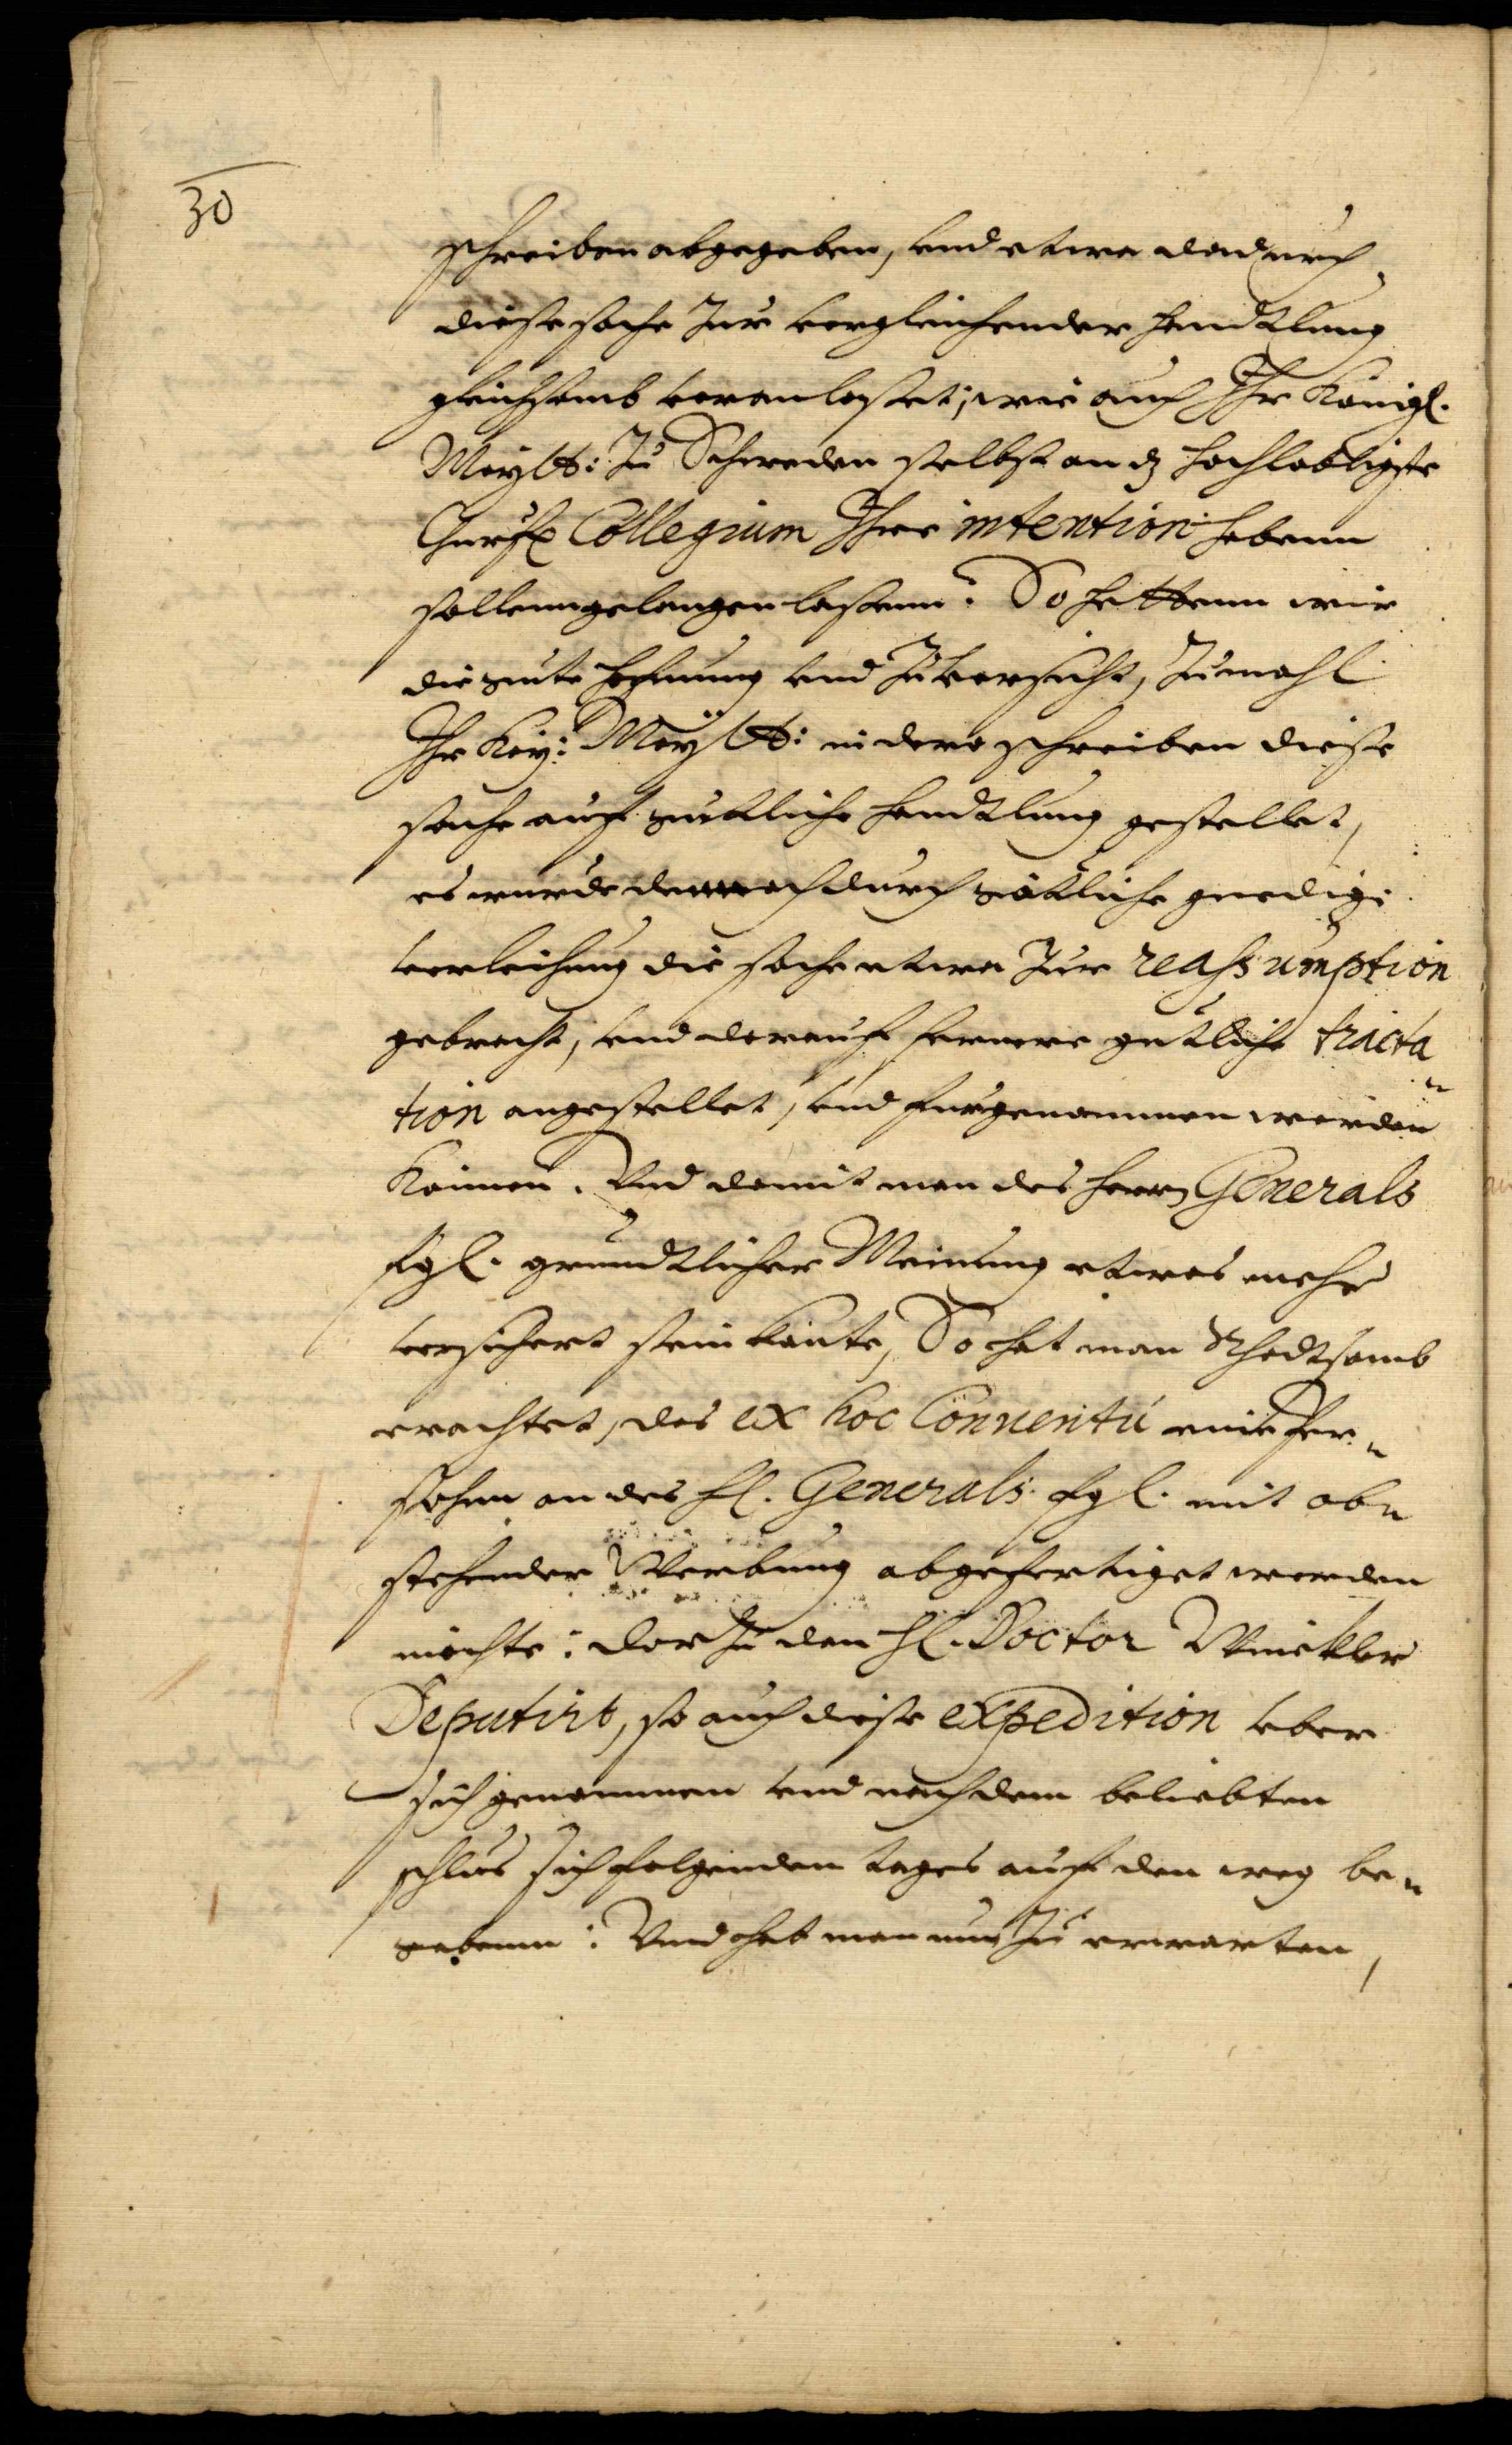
30
schreiben abgegeben, vnd etwa dadurch
diese sache zur vergleichender handtlung
gleichsamb veranlaßet; wie auch Ihr Königl.
Maijtt: zu Schweden selbst an den hochlobligste
Churf. Collegium Ihre intention habenn
sollenn gelangen laßenn: So hettenn wir
die gute hofnung vnd zuversicht, zumahl
Ihr Kaij: Maijtt: in dero schreiben diese
sache auf gutliche handtlung gestellet,
es wurde demnach durch götliche gnedige
verleihung die sache etwa zur reassumption
gebracht, vnd darauf fernere gutliche tracta¬
tion angestellet, vnd furgenommen werden
können. Vnd damit man des herrn Generals
fgl. grundtlicher Meinung etwas mehr
versichert sein kante, So hat man Rhadtsamb
erachtet, das ex hoc Conventu eine Per¬
sohnn an des H. Generals fgl. mit ob¬
stehender Werbung abgefertiget worden
möchte: Darzu dan H. Doctor Winckler
Deputirt, so auch diese expedition vber
sich genommen vnd nach dem beliebten
schlus sich folgenden tages auf den weg be¬
gebenn: Vnd hat man nun zu erwarten,
